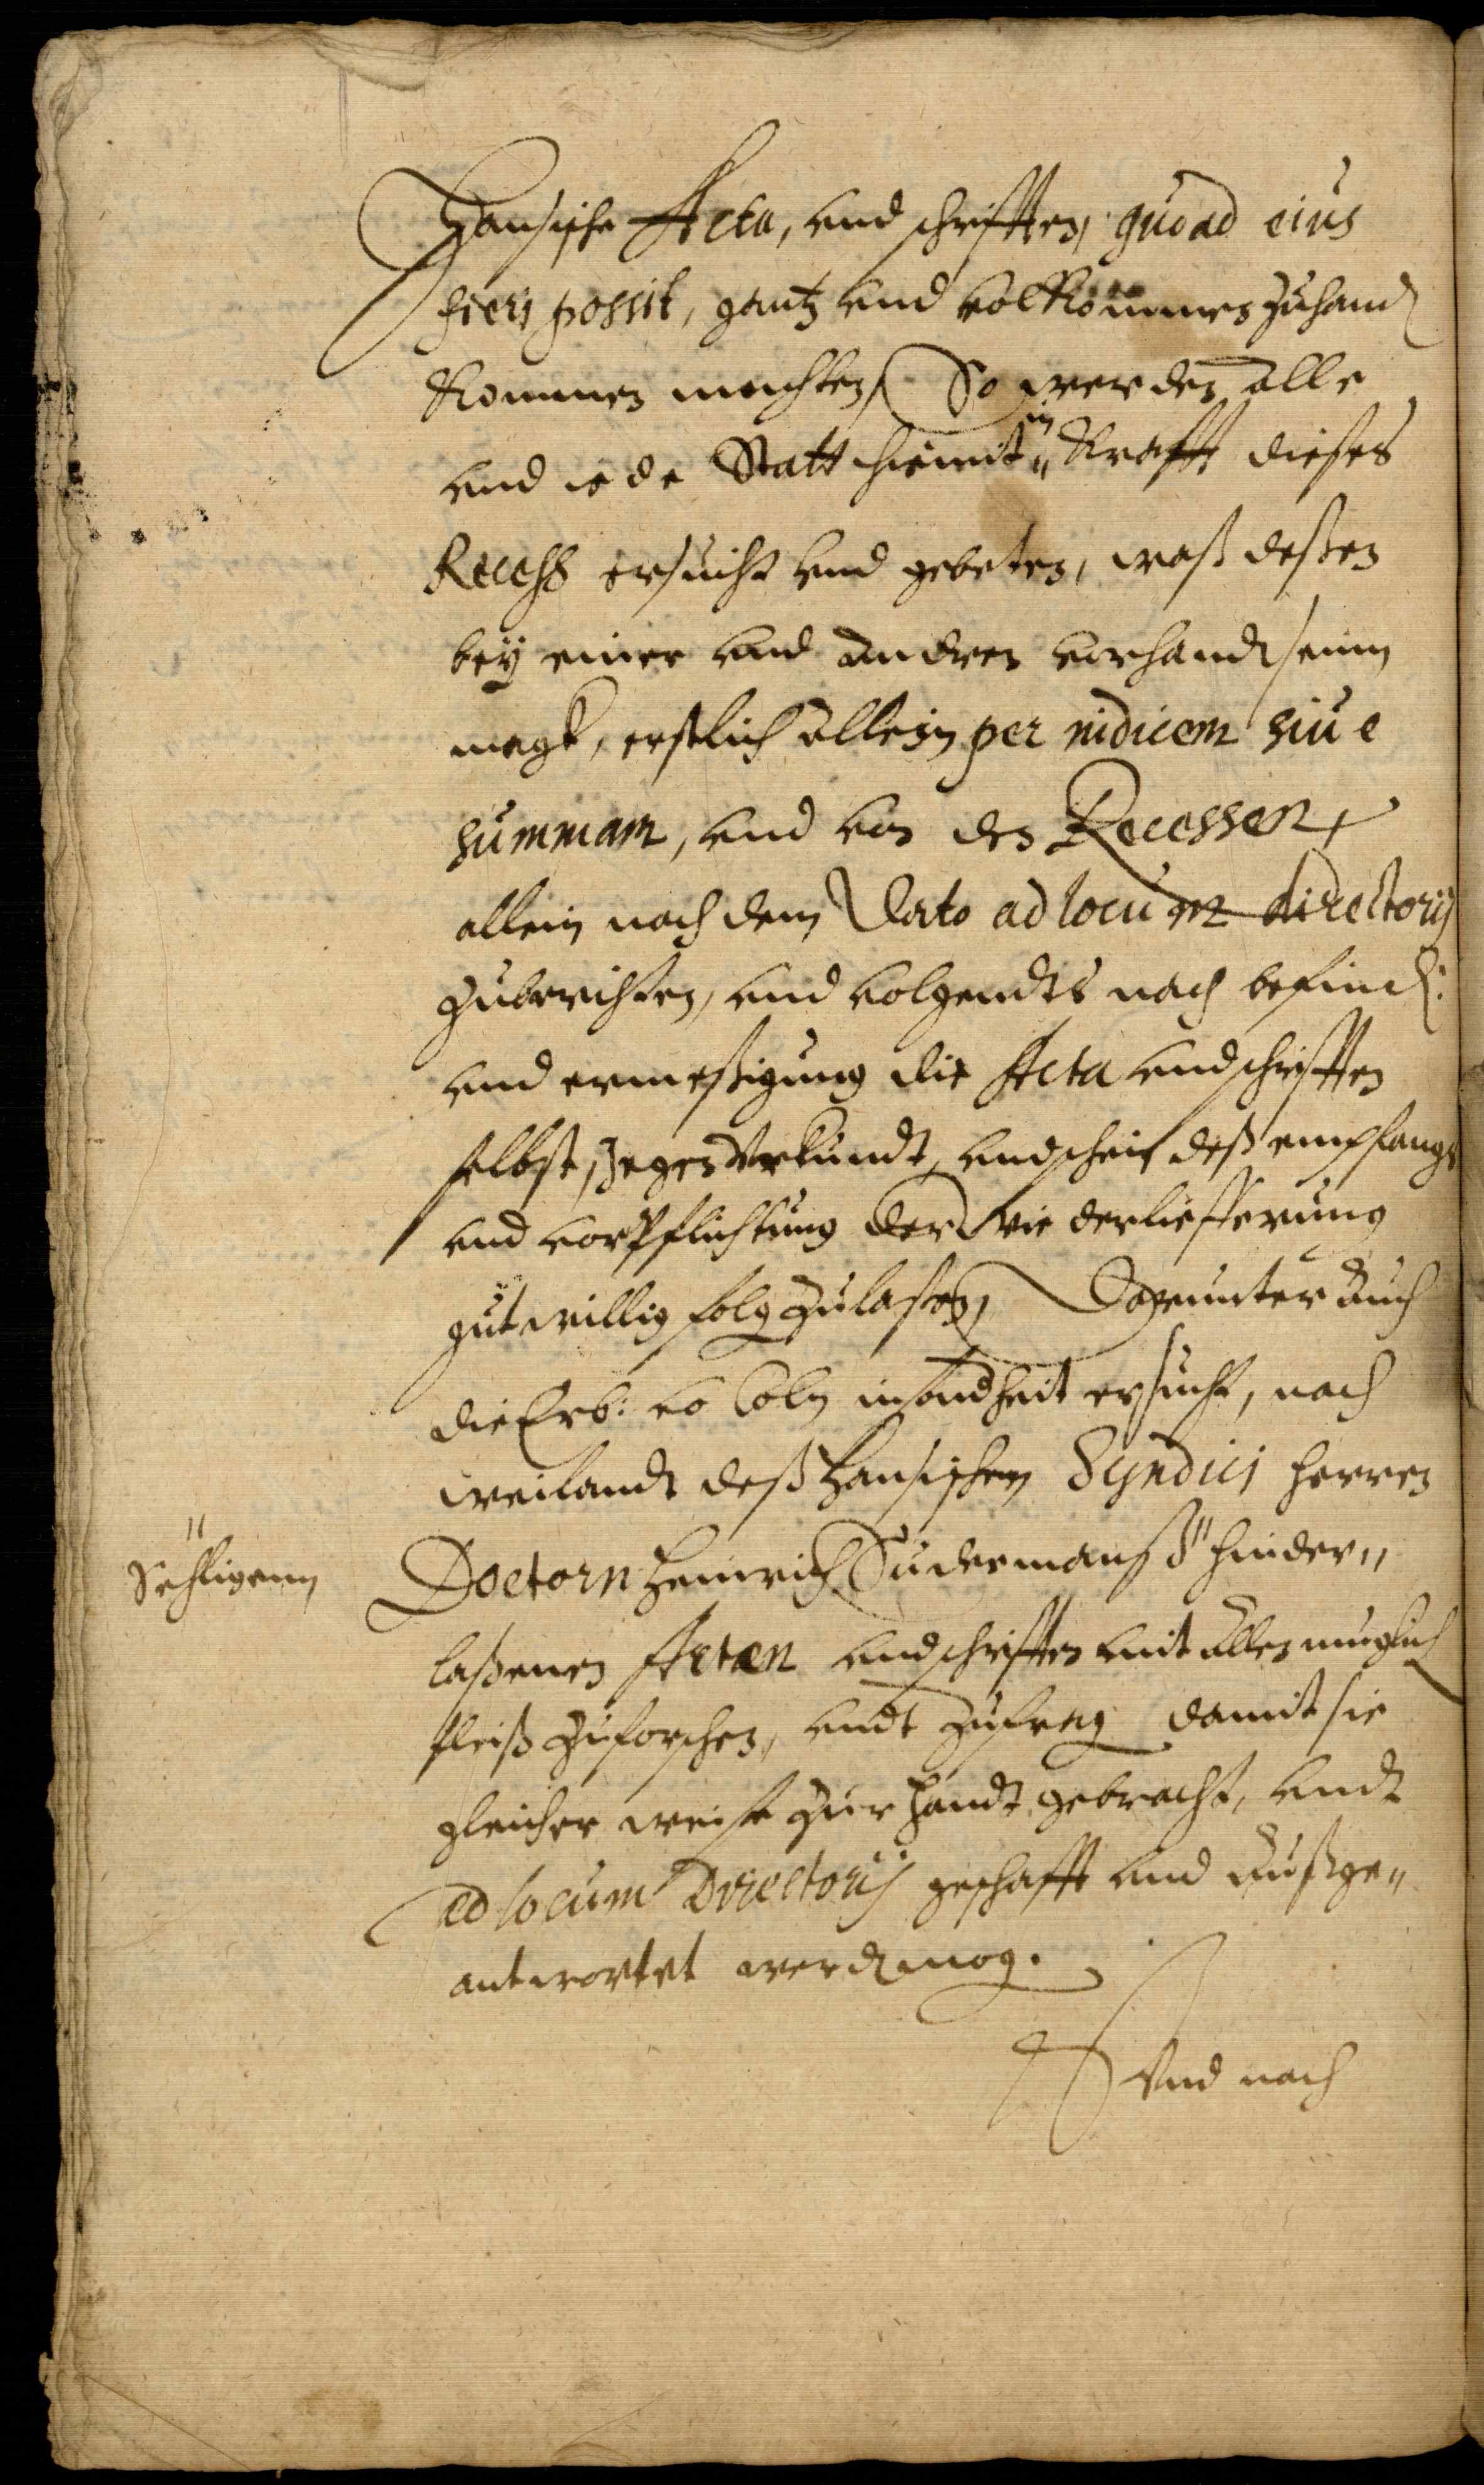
Hansische Acta, vnd schrifften, quo ad eius
fieri possit, gantz vnd volkommen zuhanden
kommen mochten, So werden Alle
vnd iede Statt hiemit in Krafft dieses
Recess ersucht vnd gebeten, waß deßen
beij einer vnnd andren vorhanden seinn
magk, erstlich Allein per iudicem siue
summam, vnd von den Recessen,
allein nach dem Dato ad locum directorij
zuberichten, vnd volgendts nach befinden
vnd ermeßigung die Acta vnd schrifften
selbst, Jegen Vrkundt, vnd schein deß empfangs
vnd vorpflichtung der Wiederliefferung
gutwillig folgen zulaßen, Darunter Auch
die Erb: vo Coln in sonderheit ersucht, nach
weilandt deß Hansischen Syndici herren
Doctorn Heinrich Sudermanß ,, hinder¬
laßenen Acten vnd schrifften mit Allen muglichen
fleiß zuforschen, vndt zufragen damit sie
gleicher weise zur handt gebracht, vndt
ad locum Directorij geschafft vnd Außge¬
antwortet werden mogen.
Vnd nach
Sehligenn
